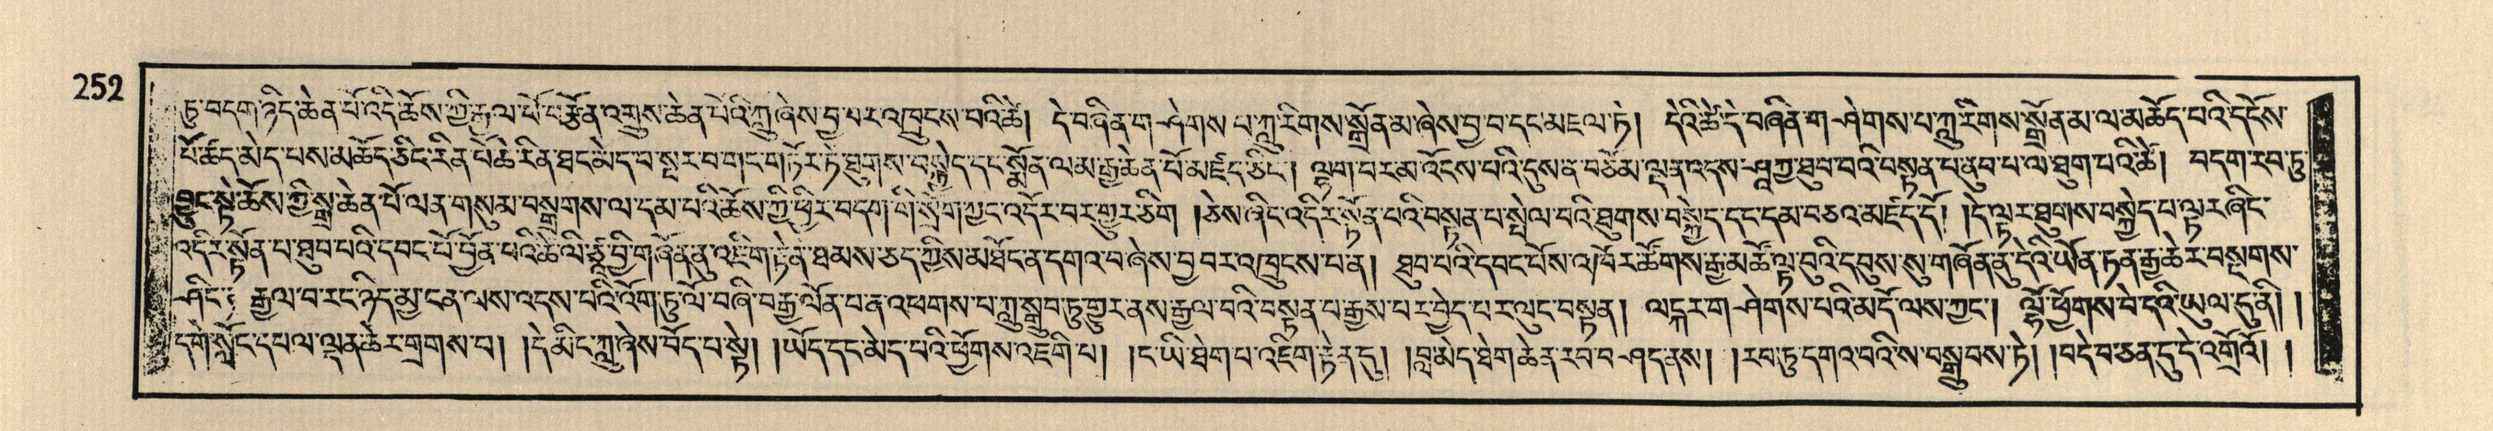ཏུ་བདག་ཉིད་ཆེན་པོ་འདི་ཆོས་ཀྱི་རྒྱལ་པོ་བརྩོན་འགྲུས་ཆེན་པོའི་ཀླུ་ཞེས་བྱ་བར་འཁྲུངས་བའི་ཚེ། དེ་བཞིན་གཤེགས་པ་ཀླུ་རིགས་སྒྲོན་མ་ཞེས་བྱ་བ་དང་མཇལ་ཏེ། དེའི་ཚེ་དེ་བཞིན་གཤེགས་པ་ཀླུ་རིགས་སྒྲོན་མ་ལ་མཆོད་པའི་དངོས་
པོ་ཚད་མེད་པས་མཆོད་ཅིང་རིན་པོ་ཆེ་རིན་ཐང་མེད་བ་སྤར་བ་གང་གཏོར་ཏེ་ཐུགས་བསྐྱེད་དང་སྨོན་ལམ་རྒྱ་ཆེན་པོ་མཛད་ཅིང་། ལྷག་པར་མ་འོངས་པའི་དུས་ན་བཅོམ་ལྡན་འདས་ཤཱཀྱ་ཐུབ་བའི་བསྟན་པ་ནུབ་པ་ལ་ཐུག་པའི་ཚེ། བདག་རབ་ཏུ་
བྱུང་སྟེ་ཆོས་ཀྱི་སྒྲ་ཆེན་པོ་ལན་གསུམ་བསྒྲགས་ལ་དམ་པའི་ཆོས་ཀྱི་ཕྱིར་བདག་གི་སྲོག་ཀྱང་འདོར་བར་གྱུར་ཅིག །ཅེས་ཞིང་འདིར་སྟོན་པའི་བསྟན་པ་སྤེལ་བའི་ཐུགས་བསྐྱེད་དང་དམ་བཅའ་མཛད་དོ། །དེ་ལྟར་ཐུགས་བསྐྱེད་པ་ལྟར་ཞིང་
འདིར་སྟོན་པ་ཐུབ་པའི་དབང་པོ་བྱོན་པའི་ཚེ་ལི་ཙཱ་བྱི་གཞོན་ནུ་འཇིག་རྟེན་ཐམས་ཅད་ཀྱིས་མཐོང་ན་དགའ་བ་ཞེས་བྱ་བར་འཁྲུངས་པ་ན། ཐུབ་པའི་དབང་པོས་འཁོར་ཚོགས་རྒྱ་མཚོ་ལྟ་བུའི་དབུས་སུ་གཞོན་ནུ་དེའི་ཡོན་ཏན་རྒྱ་ཆེར་བསྔགས་
ཤིང༑ རྒྱལ་བ་རང་ཉིད་མྱ་ངན་ལས་འདས་པའི་འོག་ཏུ་ལོ་བཞི་བརྒྱ་ལོན་པ་ན་འཕགས་པ་ཀླུ་སྒྲུབ་ཏུ་གྱུར་ནས་རྒྱལ་བའི་བསྟན་པ་རྒྱས་པར་བྱེད་པར་ལུང་བསྟན། ལང་ཀར་གཤེགས་པའི་མདོ་ལས་ཀྱང་། ལྷོ་ཕྱོགས་བེ་དའི་ཡུལ་དུ་ནི། །
དགེ་སློང་དཔལ་ལྡན་ཆེར་གྲགས་པ། །དེ་མིང་ཀླུ་ཞེས་བོད་པ་སྟེ། །ཡོད་དང་མེད་པའི་ཕྱོགས་འཇིག་པ། །ང་ཡི་ཐེག་པ་འཇིག་རྟེན་དུ། །བླ་མེད་ཐེག་ཆེན་རབ་བཤད་ནས། །རབ་ཏུ་དགའ་བའི་ས་བསྒྲུབས་ཏེ། །བདེ་བ་ཅན་དུ་དེ་འགྲོའོ། །